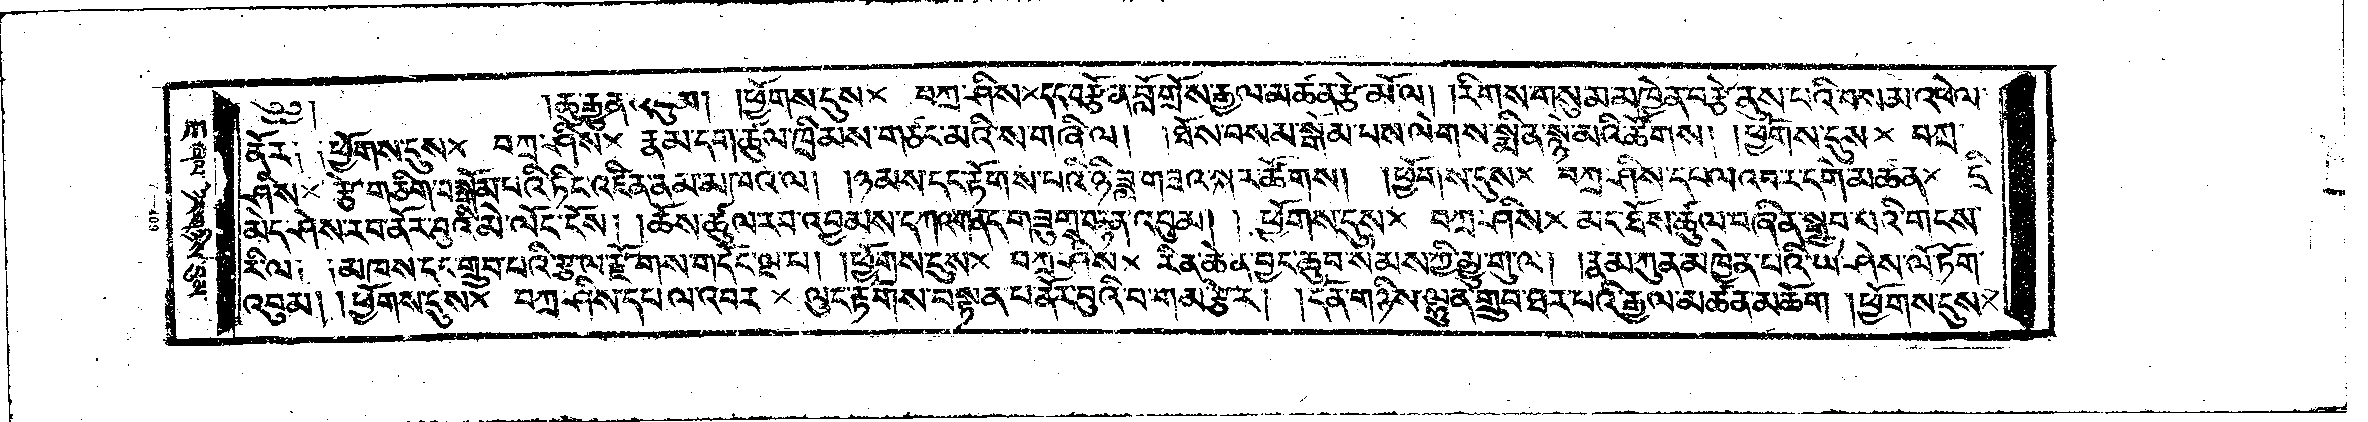༄༅། །ཆུ་རྒྱུན་འབུམ། །ཕྱོགས་དུས་྾་བཀྲ་ཤིས་྾་དད་བརྩོན་བློ་གྲོས་རྒྱལ་མཚན་རྩེ་མོ་ལ། །རིགས་གསུམ་མཁྱེན་བརྩེ་ནུས་པའི་བསམ་འཕེལ་
ནོར༑ ༑ཕྱོགས་དུས་྾་བཀྲ་ཤིས་྾་རྣམ་དག་ཚུལ་ཁྲིམས་གཙང་མའི་ས་གཞི་ལ། །ཐོས་བསམ་སྒོམ་པས་ལེགས་སྨིན་སྙེ་མའི་ཚོགས། །ཕྱོགས་དུས་྾་བཀྲ་
ཤིས་྾་རྩེ་གཅིག་བསྒོམ་པའི་ཏིང་འཛིན་ནམ་མཁའ་ལ། །ཉམས་དང་རྟོགས་པའི་ཉི་ཟླ་གཟའ་སྐར་ཚོགས། །ཕྱོགས་དུས་྾་བཀྲ་ཤིས་དཔལ་འབར་དགེ་མཚན་྾་དྲི་
མེད་ཤེས་རབ་ནོར་བུའི་མེ་ལོང་ངོས། །ཆོས་ཚུལ་རབ་འབྱམས་དཀའ་གནད་གཟུགས་བརྙན་འབུམ། །ཕྱོགས་དུས་྾་བཀྲ་ཤིས་྾་མང་ཐོས་ཚུལ་བཞིན་སྒྲུབ་པའི་གངས་
རི་ལ༑ ༑མཁས་དང་གྲུབ་པའི་རྩལ་རྫོགས་གདོང་ལྔ་པ། །ཕྱོགས་དུས་྾་བཀྲ་ཤིས་྾་རིན་ཆེན་བྱང་ཆུབ་སེམས་ཀྱི་མྱུ་གུ་ལ། །རྣམ་ཀུན་མཁྱེན་པའི་ཡེ་ཤེས་ལོ་ཏོག་
འབུམ། །ཕྱོགས་དུས་྾་བཀྲ་ཤིས་དཔལ་འབར་྾་ལུང་རྟོགས་བསྟན་པ་ནོར་བུའི་བ་གམ་རྩེར། །དོན་གཉིས་ལྷུན་གྲུབ་ཐར་པའི་རྒྱལ་མཚན་མཆོག །ཕྱོགས་དུས་྾་